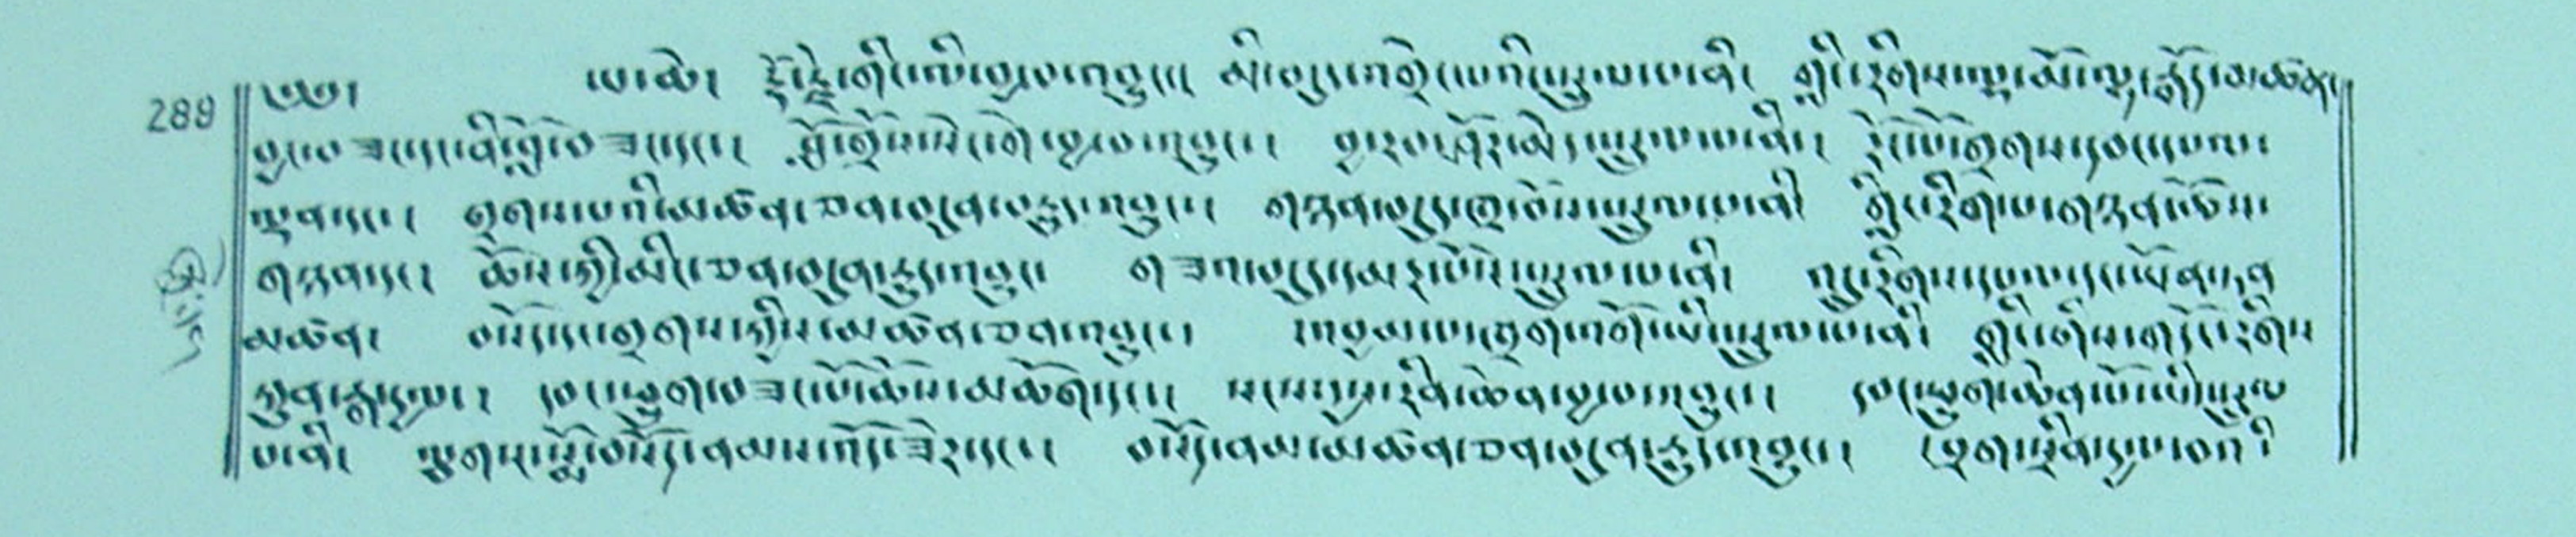༄༅། །ཡ་ཆི། རྡོ་རྗེ་གིང་ལི་བྱ་བ་འབྱུང་། མི་བདུད་འགྲེང་བའི་སྤྲུལ་པ་ནི། གླིང་རིགས་ལྷ་མོ་ལྷ་རྒོད་མཚན། 
བྱང་བཟང་དང་ནི་བློ་བཟང་དང་། བློ་གྲོས་སེང་གེ་བྱ་བ་འབྱུང་། བྱ་རབ་ཤོར་མེད་སྤྲུལ་པ་ནི། རོང་པོ་གྲགས་དབང་དཔལ་
ལྡན་དང་། གྲགས་པའི་མཚན་ཅན་བདུན་རྒྱུད་འབྱུང་། གཉན་བདུད་ཁྲ་བོའི་སྤྲུལ་པ་ནི། གླིང་རིག་པ་གཉན་ཆོས་
གཉན་དང་། ཆོས་ཀྱི་མིང་ཅན་བདུན་རྒྱུད་འབྱུང་། གཟའ་བདུད་དམར་བོའི་སྤྲུལ་པ་ནི། འདྲུ་རིགས་དཔལ་དང་ཡོན་ཏན་
མཚན། བསོད་དང་གྲགས་ཀྱིས་མཚན་ཅན་འབྱུང་། འབྱམས་པ་ཁྲག་མགོའི་སྤྲུལ་པ་ནི། གླིང་གི་གདུང་རིགས་
ཀུན་རྒ་རྒྱལ། དབང་ཕྱུག་བཟང་པོ་ཆོས་མཆོག་དང་། སངས་རྒྱས་རིན་ཆེན་བྱ་བ་འབྱུང་། དབང་ཕྱུག་ཆེན་པོ་ཡི་སྤྲུལ་
པ་ནི། ལྕགས་མོ་བསོད་ནམས་འོད་ཟེར་དང་། བསོད་ནམས་མཚན་ཅན་བདུན་རྒྱུད་འབྱུང་། བྲག་སྲིན་རྒྱལ་བའི་